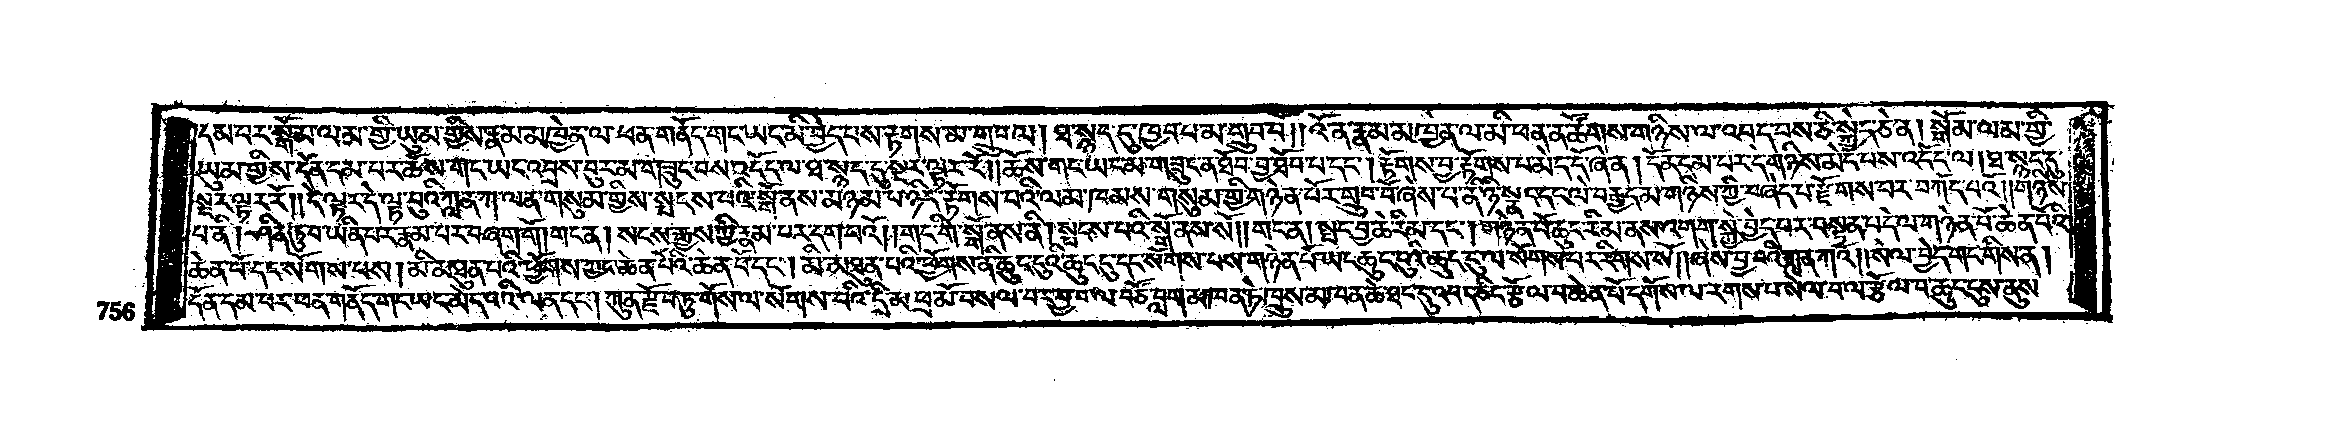དམ་པར་སྒོམ་ལམ་གྱི་ཡུམ་གྱིས་རྣམ་མཁྱེན་ལ་ཕན་གནོད་གང་ཡང་མི་བྱེད་པས་རྟགས་མ་གྲུབ་ལ། ཐ་སྙད་དུ་ཁྱབ་པ་མ་གྲུབ་བོ། །འོ་ན་རྣམ་མཁྱེན་ལ་མི་ཕན་ན་ཚོགས་གཉིས་ལ་འབད་པས་ཅི་སྐྱེད་ཅེ་ན། སྒོམ་ལམ་གྱི་
ཡུམ་གྱིས་དོན་དམ་པར་ཆོས་གང་ཡང་འབྲས་བུར་མ་གཟུང་བས་འདོད་ལ་ཐ་སྙད་དུ་སྔར་ལྟར་རོ། །ཆོས་གང་ཡང་མ་གཟུང་ན་ཐོབ་བྱ་ཐོབ་པ་དང་། རྟོགས་བྱ་རྟོགས་པ་མེད་དོ་ཞེ་ན། དོན་དམ་པར་དེ་གཉིས་མེད་པས་འདོད་ལ། ཐ་སྙད་དུ་
སྔར་ལྟར་རོ། །དེ་ལྟར་དེ་ལྟ་བུའི་ཀླན་ཀ་ལན་གསུམ་གྱིས་སྤངས་པའི་སྒོ་ནས་མཉམ་པ་ཉིད་རྟོགས་པའི་ལམ་ཁམས་གསུམ་གྱི་གཉེན་པོར་གྲུབ་བོ་ཞེས་པ་ནི་ཉི་སྣང་དང་ལེ་བརྒྱད་མ་གཉིས་ཀྱི་བཞེད་པ་རྫོགས་པར་བཀོད་པའོ། །གཉིས་
པ་ནི། ཤིན་ཏུ་བ་ཡིན་པར་རྣམ་པར་བཞག་གོ །གང་ན། སངས་རྒྱས་ཀྱི་རྣམ་པར་དག་པའོ། །གང་གི་སྒོ་ནས་ནི། སྤངས་པའི་སྒོ་ནས་སོ། །གང་ན། སྤང་བྱ་ཆེ་རིམ་དང་། གཉེན་པོ་ཆུང་རིམ་ནས་འགག་སྐྱེ་བྱེད་པར་བསྟན་པ་དེ་ལ་གཉེན་པོ་ཆེན་པོའི་
ཆེན་པོ་དང་སོགས་པས། མི་མཐུན་པའི་ཕྱོགས་ཀྱང་ཆེན་པོའི་ཆེན་པོ་དང་། མི་མཐུན་པའི་ཕྱོགས་ནི་ཆུང་ངུའི་ཆུང་ངུ་དང་སོགས་པས་གཉེན་པོ་ཡང་ཆུང་ངུའི་ཆུང་ངུ་ལ་སོགས་པར་རིགས་སོ། །ཞེས་བྱ་བའི་ཀླན་ཀའོ། །སེལ་བྱེད་གང་གིས་ན།
དོན་དམ་པར་ཕན་གནོད་གང་ཡང་མེད་པའི་ལན་དང་། ཀུན་རྫོབ་ཏུ་གོས་ལ་སོགས་པའི་དྲི་མ་ཕྲ་མོ་བསལ་བར་བྱ་བ་ལ་བཙོ་བླག་མཁན་ཏེ་ཁྲུས་མཁན་ཆེ་ཐང་དུ་འབད་ཅིང་རྩོལ་བ་ཆེན་པོ་དགོས་ལ་རགས་པ་སེལ་བ་ལ་རྩོལ་བ་ཆུང་ངུས་ནུས་